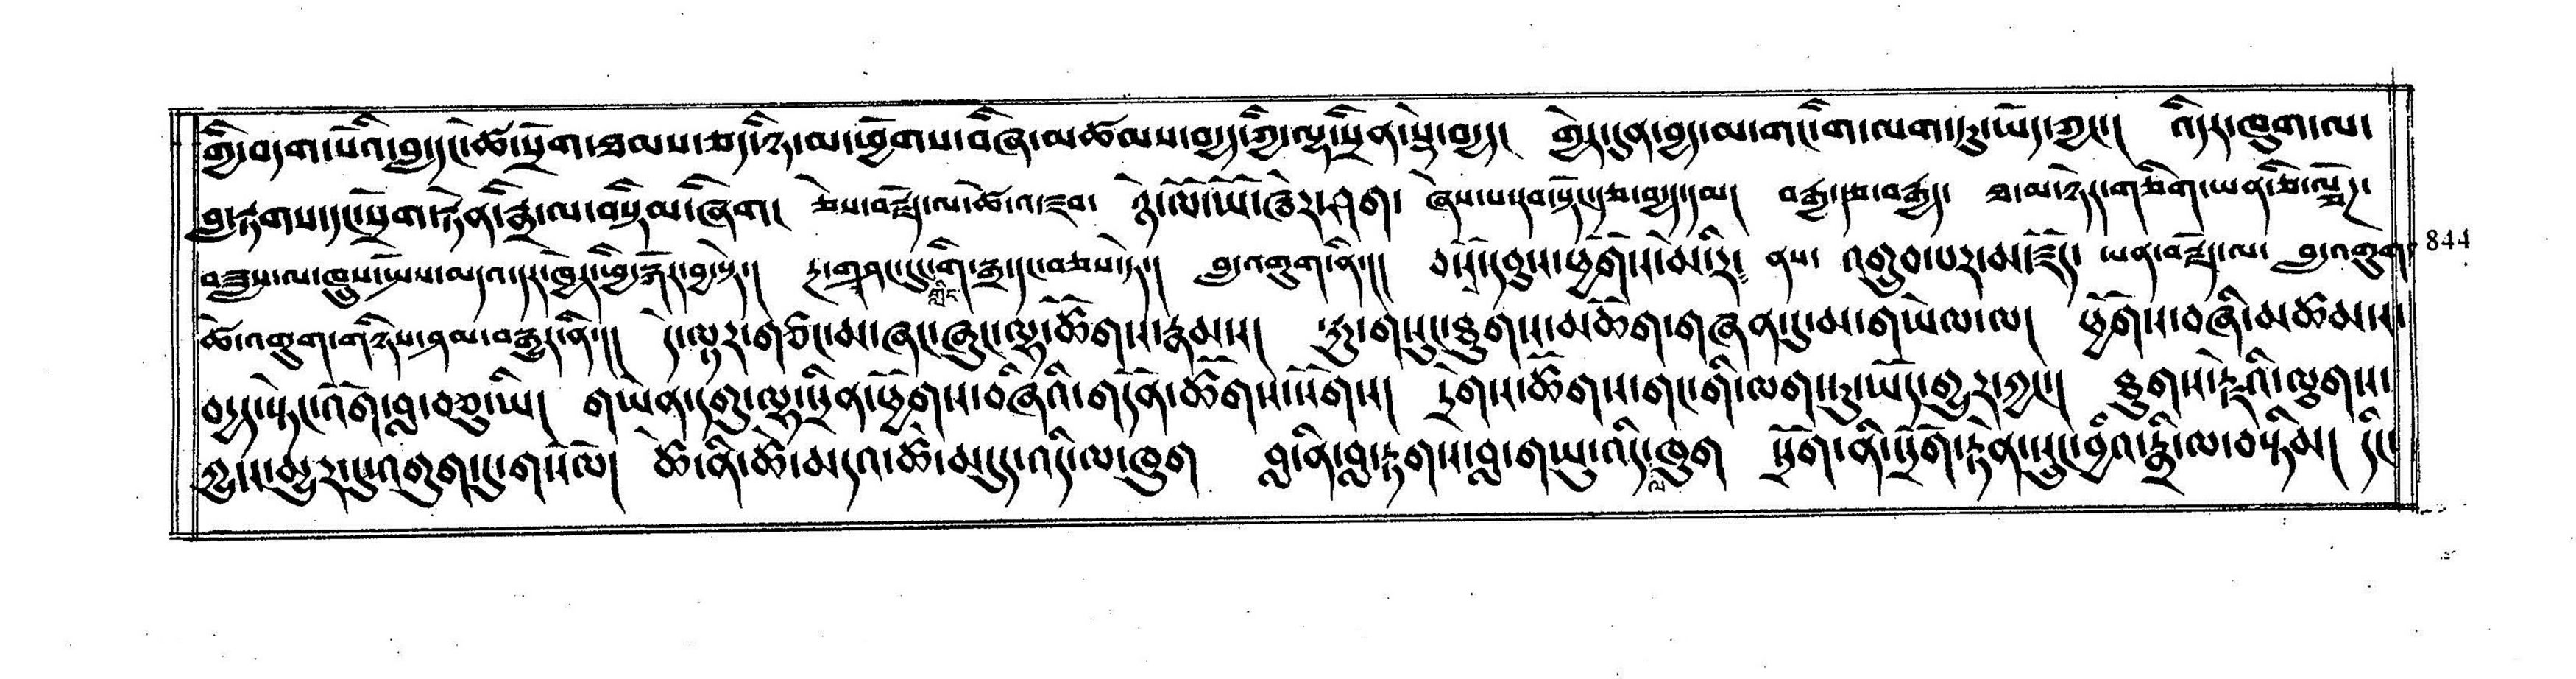གྱི་བདག་པོའི་བླ་དང་ཚེ་སྲོག་ཐམས་ཅད་ཉི་མ་ཕྱོགས་བཞི་མཚམས་བརྒྱད་ཀྱི་ལྷ་སྲིན་སྡེ་བརྒྱད། གྱེར་དུན་བྱད་མ་གང་གི་ལག་ཏུ་ཡོད་ཀྱང་། འདིར་ཁུག་ལ་
བླ་རྟགས་དང་སྲོག་རྟེན་རྣྲི་ལ་བསྟིམ་ཞིག ཅེས་བརྗོད་ལ་ཚེ་འཛབ་ཉེ་ལོ་ཡོ་ཝེར་ཤག་ཞེས་པ་རབ་སྟོང་རྩ་བརྒྱད་དམ། བརྒྱ་རྩ་བརྒྱད་ཐ་མ་ཉེར་གཅིག་ཡན་ཅི་ལྕོགས་
བཟླས་ལ་ཁྲུས་སྤོས་མདའ་དར་ཁྱེར་ཕྱི་སྐོར་བྱ་སྟེ། རྔ་གཤང་དུང་གླིང་གི་སྒྲ་དང་བཅས་ཏེ། བླ་འགུག་ནི།། བསྭོ་དབུས་ཕྱོགས་མེ་རི་ནས་འགྲུབ་པར་མཛོད་ཡན་བརྗོད་ལ་བླ་འགུག་
ཚེ་འགུག་གཉིས་ཤམ་བསྒྱུར་ནི།། དེ་ལྟར་གཙང་མ་ཞང་ཞུང་ལྷ་ཚོགས་རྣམས། སྐུ་གསུང་ཐུགས་མཆོག་གཞན་དུ་མ་གཡེལ་ལ། ཕྱོགས་བཞི་མཚམས་
བརྒྱད་སྟེང་འོག་བླ་བཅུ་ཡི། གཡེན་དགུ་ལྷ་སྲིན་ཕྱོགས་བཞིའི་གདོན་ཚོགས་སོགས། དྲེགས་ཚོགས་གང་གི་ལག་ཏུ་ཡོད་གྱུར་ཀྱང་། ཐུགས་རྗེའི་ལྕགས་
ཀྱུས་མྱུར་དུ་འགུག་དུ་གསོལ། ཚེ་ནི་ཚེ་མདའ་ཚེ་མདུད་འདི་ལ་ཁུག བླ་ནི་བླ་རྟགས་བླ་གཡུ་འདི་ལ་ཁུག སྲོག་ནི་སྲོག་རྟེན་སྲུང་བྱའི་རྣྲི་ལ་བསྟིམ། དིང་